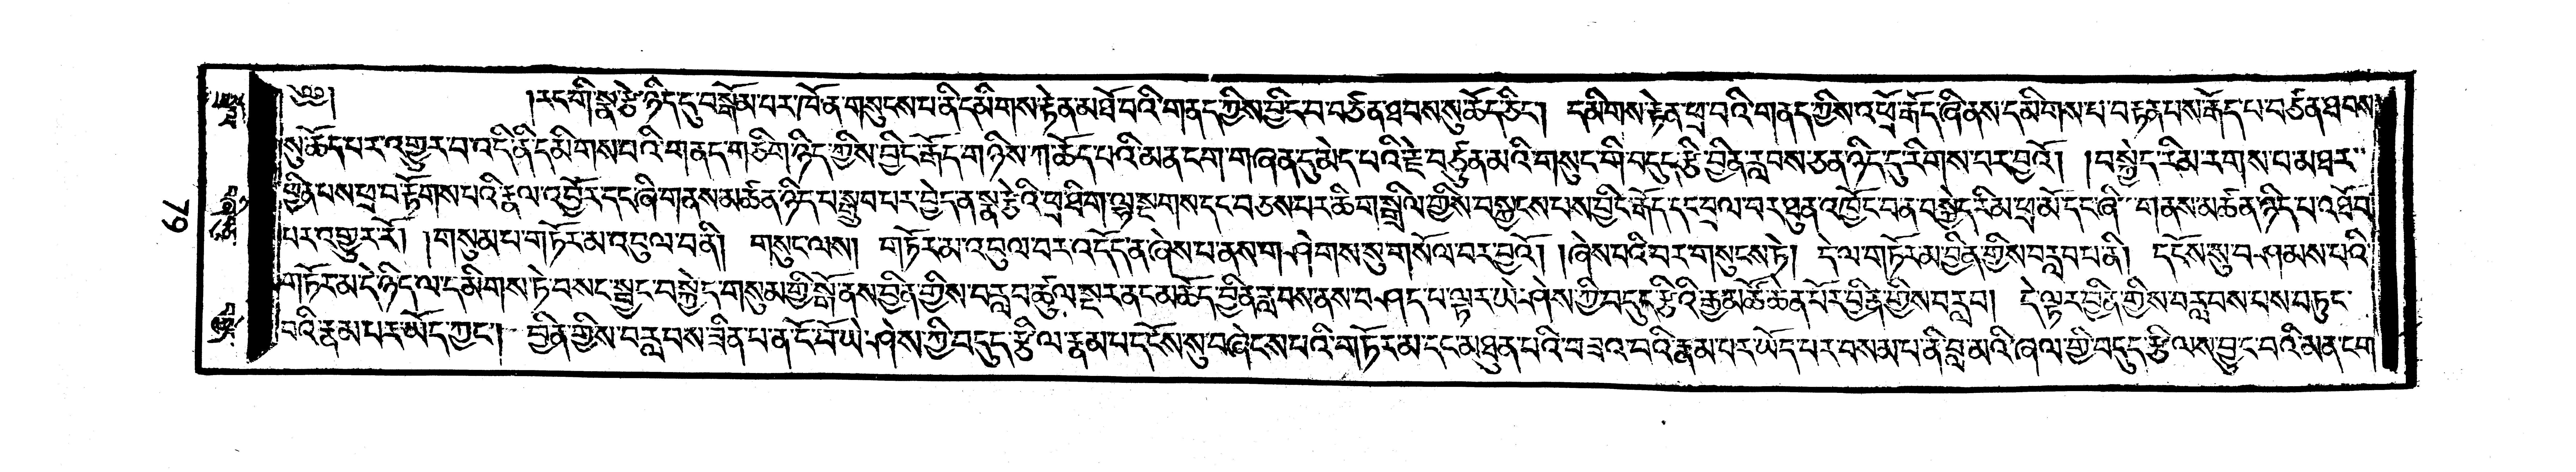༄༅། །རང་གི་སྣ་རྩེ་ཉིད་དུ་བསྒོམ་པར་ཁོ་ན་གསུངས་པ་ནི་དམིགས་རྟེན་མཐོ་བའི་གནད་ཀྱིས་བྱིང་བ་བཙན་ཐབས་སུ་ཆོད་ཅིང་། དམིགས་རྟེན་ཕྲ་བའི་གནད་ཀྱིས་འཕྲོ་རྒོད་ཞི་ནས་དམིགས་པ་བརྟན་པས་རྒོད་པ་བཙན་ཐབས་
སུ་ཆོད་པར་འགྱུར་བ་འདི་ནི་དམིགས་པའི་གནད་གཅིག་ཉིད་ཀྱིས་བྱིང་རྒོད་གཉིས་ཀ་ཆོད་པའི་མན་ངག་གཞན་དུ་མེད་པའི་རྗེ་བཙུན་མའི་གསུང་གི་བདུད་རྩི་བྱིན་རླབས་ཅན་ཉིད་དུ་རིག་པར་བྱའོ། །བསྐྱེད་རིམ་རགས་པ་མཐར་
ཕྱིན་པས་ཕྲ་བ་རྟོག་པའི་རྣལ་འབྱོར་དང་ཞི་གནས་མཚན་ཉིད་པ་སྒྲུབ་པར་བྱེད་ན་སྣ་རྩེའི་ཕྲ་ཐིག་ལྷ་སྔགས་དང་བཅས་པར་ཚིག་སྒྲིལ་གྱིས་བསྐྱངས་པས་བྱིང་རྒོད་དང་བྲལ་བར་ཐུན་འཁྱོང་བ་ན་བསྐྱེད་རིམ་ཕྲ་མོ་དང་ཞི་གནས་མཚན་ཉིད་པ་འཐོབ་
པར་འགྱུར་རོ། །གསུམ་པ་གཏོར་མ་འབུལ་བ་ནི། གསུང་ལས། གཏོར་མ་འབུལ་བར་འདོད་ན་ཞེས་པ་ནས་གཤེགས་སུ་གསོལ་བར་བྱའོ། །ཞེས་པའི་བར་གསུངས་ཏེ། དེ་ལ་གཏོར་མ་བྱིན་གྱིས་བརླབ་པ་ནི། དངོས་སུ་བཤམས་པའི་
གཏོར་མ་དེ་ཉིད་ལ་དམིགས་ཏེ་བསང་སྦྱང་བསྐྱེད་གསུམ་གྱི་སྒོ་ནས་བྱིན་གྱིས་བརླབ་ཚུལ་སྔར་ནང་མཆོད་བྱིན་རླབས་ནས་བཤད་པ་ལྟར་ཡེ་ཤེས་ཀྱི་བདུད་རྩིའི་རྒྱ་མཚོ་ཆེན་པོར་བྱིན་གྱིས་བརླབ། དེ་ལྟར་བྱིན་གྱིས་བརླབས་པས་བཏུང་
བའི་རྣམ་པར་ཡོད་ཀྱང་། བྱིན་གྱིས་བརླབས་ཟིན་པ་ན་ངོ་བོ་ཡེ་ཤེས་ཀྱི་བདུད་རྩི་ལ་རྣམ་པ་དངོས་སུ་བཞེངས་པའི་གཏོར་མ་དང་མཐུན་པའི་བཟའ་བའི་རྣམ་པར་ཡོད་པར་བསམ་པ་ནི་བླ་མའི་ཞལ་གྱི་བདུད་རྩི་ལས་བྱུང་བའི་མན་ངག་